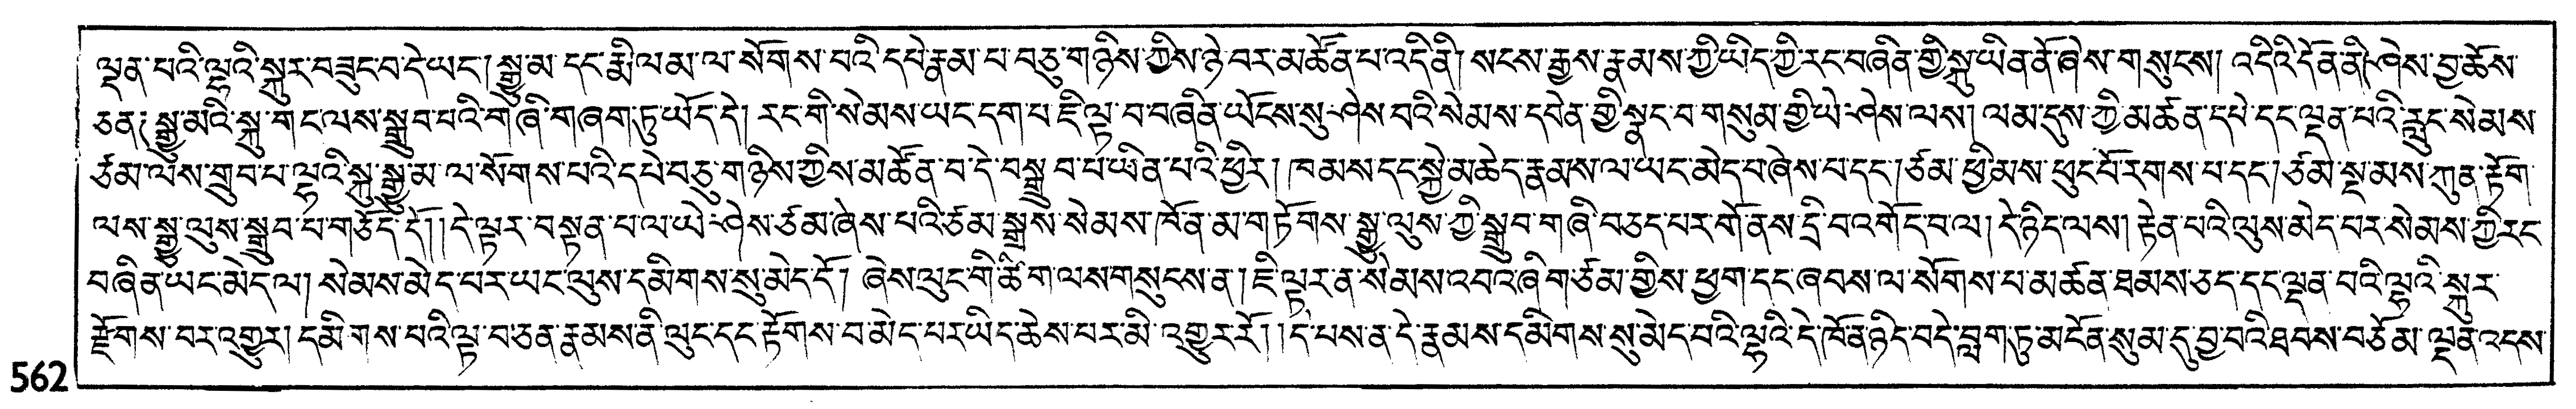ལྡན་པའི་ལྷའི་སྐུར་བཟུང་བ་དེ་ཡང་། སྒྱུ་མ་དང་རྨི་ལམ་ལ་སོགས་པའི་དཔེ་རྣམ་པ་བཅུ་གཉིས་ཀྱིས་ཉེ་བར་མཚོན་པ་འདི་ནི། སངས་རྒྱས་རྣམས་ཀྱི་ཡིད་ཀྱི་རང་བཞིན་གྱི་སྐུ་ཡིན་ནོ་ཞེས་གསུངས། འདིའི་དོན་ནི། ཤེས་བྱ་ཆོས་
ཅན༑ སྒྱུ་མའི་སྐུ་གང་ལས་སྒྲུབ་པའི་གཞི་གཞག་ཏུ་ཡོད་དེ། རང་གི་སེམས་ཡང་དག་པ་ཇི་ལྟ་བ་བཞིན་ཡོངས་སུ་ཤེས་པའི་སེམས་དབེན་གྱི་སྣང་བ་གསུམ་གྱི་ཡེ་ཤེས་ལས། ལམ་དུས་ཀྱི་མཚན་དཔེ་དང་ལྡན་པའི་རླུང་སེམས་
ཙམ་ལས་གྲུབ་པ་ལྷའི་སྐུ་སྒྱུ་མ་ལ་སོགས་པའི་དཔེ་བཅུ་གཉིས་ཀྱིས་མཚོན་པ་དེ་བསྒྲུབ་པ་ཡིན་པའི་ཕྱིར། ཁམས་དང་སྐྱེ་མཆེད་རྣམས་ལ་ཡང་མེད་པ་ཞེས་པ་དང་། ཙམ་ཕྱི་མས་ཕུང་པོ་རགས་པ་དང་། ཙམ་སྔ་མས་ཀུན་རྟོག་
ལས་སྒྱུ་ལུས་སྒྲུབ་པ་གཅོད་དོ། །དེ་ལྟར་བསྟན་པ་ལ་ཡེ་ཤེས་ཙམ་ཞེས་པའི་ཙམ་སྒྲས་སེམས་ཁོ་ན་མ་གཏོགས་སྒྱུ་ལུས་ཀྱི་སྒྲུབ་གཞི་བཅད་པར་གོ་ནས་དྲི་བ་འགོད་པ་ལ། དེ་ཉིད་ལས། རྟེན་པའི་ལུས་མེད་པར་སེམས་ཀྱི་རང་
བཞིན་ཡང་མེད་ལ། སེམས་མེད་པར་ཡང་ལུས་དམིགས་སུ་མེད་དོ། ཞེས་ལུང་གི་ཚིག་ལས་གསུངས་ན། ཇི་ལྟར་ན་སེམས་འབའ་ཞིག་ཙམ་གྱིས་ཕྱག་དང་ཞབས་ལ་སོགས་པ་མཚན་ཐམས་ཅད་དང་ལྡན་པའི་ལྷའི་སྐུར་
རྫོགས་པར་འགྱུར། དམིགས་པའི་ལྟ་བ་ཅན་རྣམས་ནི་ལུང་དང་རྟོགས་པ་མེད་པར་ཡིད་ཆེས་པར་མི་འགྱུར་རོ། །དེ་པས་ན་དེ་རྣམས་དམིགས་སུ་མེད་པའི་ལྷའི་དེ་ཁོ་ན་ཉིད་བདེ་བླག་ཏུ་མངོན་སུམ་དུ་བྱ་བའི་ཐབས་བཅོམ་ལྡན་འདས་